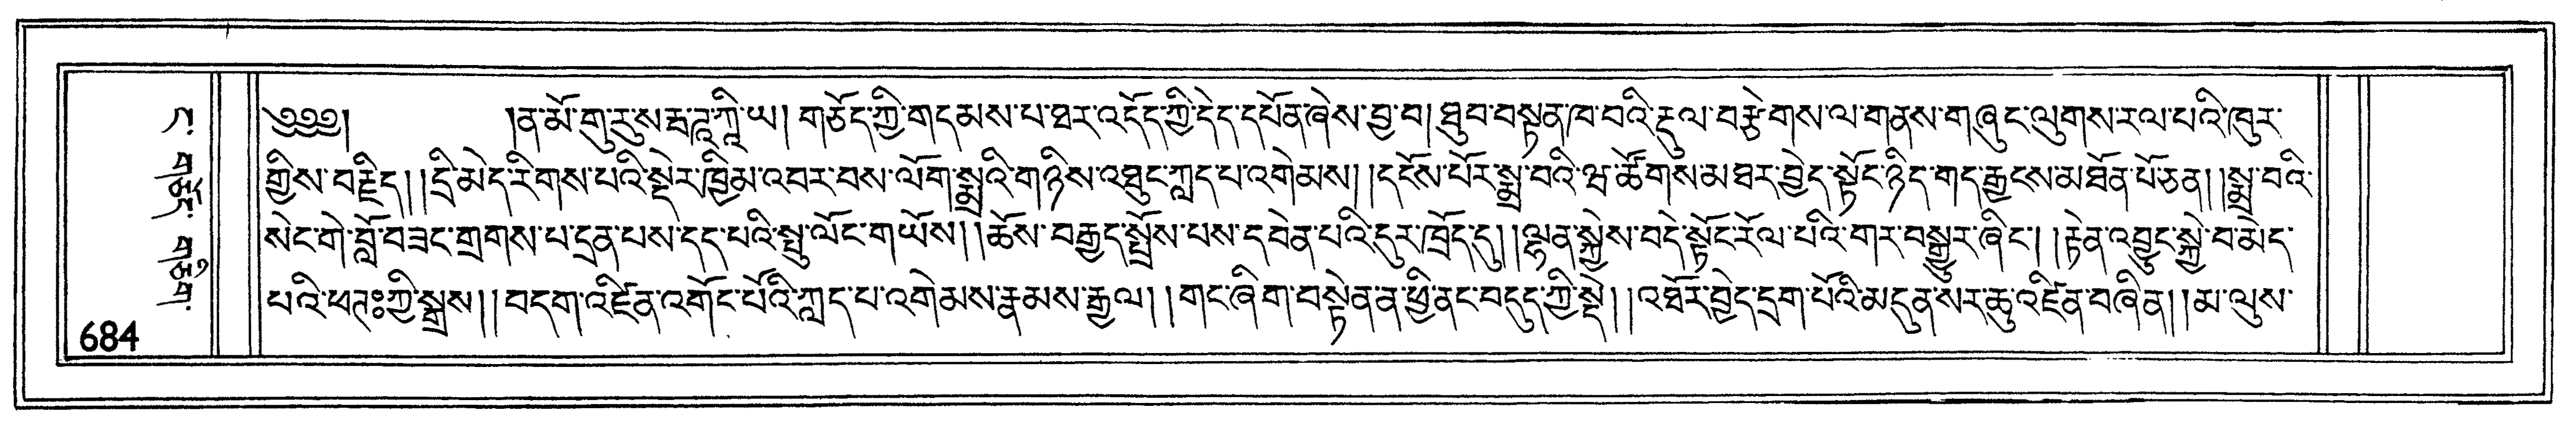༄༅༅། །ན་མོ་གུ་རུ་སརྦ་ཌཱ་ཀཱི་ཡ། གཅོད་ཀྱི་གདམས་པ་ཐར་འདོད་ཀྱི་དེད་དཔོན་ཞེས་བྱ་བ། ཐུབ་བསྟན་ཁ་བའི་རྡུལ་བརྩེགས་ལ་གནས་གཞུང་ལུགས་རལ་པའི་ཁུར་
གྱིས་བརྗིད། །དྲི་མེད་རིགས་པའི་སྡེར་ཁྱིམ་འབར་བས་ལོག་སྨྲའི་གཉིས་འཐུང་ཀླད་པ་འགེམས། །དངོས་པོར་སྨྲ་བའི་ཝ་ཚོགས་མཐར་བྱེད་སྟོང་ཉིད་གད་རྒྱངས་མཐོན་པོ་ཅན། །སྨྲ་བའི་
སེང་གེ་བློ་བཟང་གྲགས་པ་དྲན་པས་དད་པའི་སྤུ་ལོང་གཡོས། །ཆོས་བརྒྱད་སྤྲོས་པས་དབེན་པའི་དུར་ཁྲོད་དུ། །ལྷན་སྐྱེས་བདེ་སྟོང་རོལ་པའི་གར་བསྒྱུར་ཞིང་། །རྟེན་འབྱུང་སྐྱེ་བ་མེད་
པའི་ཕཊཿ ཀྱི་སྒྲས། །བདག་འཛིན་འགོང་པོའི་ཀླད་པ་འགེམས་རྣམས་རྒྱལ། །གང་ཞིག་བསྟེན་ན་ཕྱི་ནང་བདུད་ཀྱི་སྡེ། །འཐོར་བྱེད་དྲག་པོའི་མདུན་སར་ཆུ་འཛིན་བཞིན། །མ་ལུས་